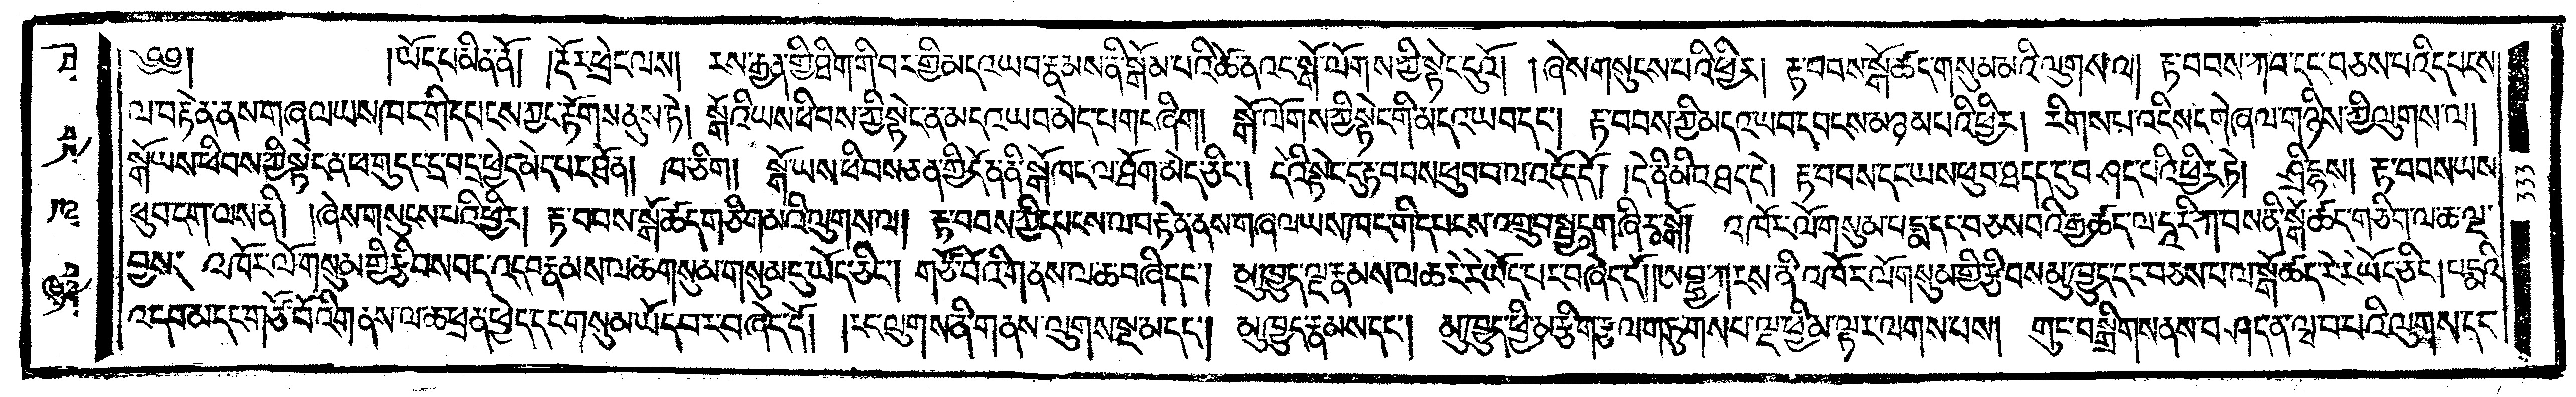༄༅། །ཡོད་པ་མིན་ནོ། །རྡོར་ཕྲེང་ལས། རས་རྒྱན་གྱི་ཐིག་གི་བར་གྱི་མདའ་ཡབ་རྣམས་ནི་སྒོམ་པའི་ཚེ་ནའང་སྒོ་ལོགས་ཀྱི་སྟེང་དུའོ། །ཞེས་གསུངས་པའི་ཕྱིར། རྟ་བབས་སྒོ་ཚད་གསུམ་མའི་ལུགས་ལ། རྟ་བབས་ཀ་བ་དང་བཅས་པའི་དཔངས་
ལ་བརྟེན་ནས་གཞལ་ཡས་ཁང་གི་དཔངས་ཀྱང་རྟོགས་ནུས་ཏེ། སྒོའི་ཡས་ཕིབས་ཀྱི་སྟེང་ན་མདའ་ཡབ་མེད་པ་གང་ཞིག། སྒོ་ལོགས་ཀྱི་སྟེང་གི་མདའ་ཡབ་དང་། རྟ་བབས་ཀྱི་མདའ་ཡབ་དཔངས་མཉམ་པའི་ཕྱིར། རིགས་པ་འདིས་སེང་གེ་ཞལ་གཉིས་ཀྱི་ལུགས་ལ།
སྒོ་ཡས་ཕིབས་ཀྱི་སྟེང་ན་ཕ་གུ་དང་དྲ་བ་དྲ་ཕྱེད་མེད་པར་ཐོན། ཁ་ཅིག། སྒོ་ཡས་ཕིབས་ཅན་གྱི་དོན་ནི་སྒོ་ཁང་ལ་ཐོག་མེད་ཅིང་། དེའི་སྟེང་དུ་རྟ་བབས་ཕུབ་པ་ལ་འདོད་དོ། །དེ་ནི་མི་འཐད་དེ། རྟ་བབས་དང་ཡས་ཕུབ་ཐ་དད་དུ་བཤད་པའི་ཕྱིར་ཏེ། ཤྲི་དྷས། རྟ་བབས་ཡས་
ཕུབ་དག་ལས་ནི། །ཞེས་གསུངས་པའི་ཕྱིར། རྟ་བབས་སྒོ་ཚད་གཅིག་མའི་ལུགས་ལ། རྟ་བབས་ཀྱི་དཔངས་ལ་བརྟེན་ནས་གཞལ་ཡས་ཁང་གི་དཔངས་འགྲུབ་སྦྱངས་གཞི་རྭ་སྒོ། འཁོར་ལོ་གསུམ་པདམ་དང་བཅས་པའི་རྒྱ་ཚད་ལ་དཱ་རི་ཀ་བས་ནི་སྒོ་ཚད་གཅིག་ལ་ཆ་ལྔ་
བྱས༑ འཁོར་ལོ་གསུམ་གྱི་རྩིབས་པད་འདབ་རྣམས་ལ་ཆ་གསུམ་གསུམ་དུ་ཡོད་ཅིང་། གཙོ་བོའི་གནས་ལ་ཆ་བཞི་དང་། མུ་ཁྱུད་ལྔ་རྣམས་ལ་ཆ་རེ་རེ་ཡོད་པར་བཞེད་དོ། །ཨབྷྱ་ཀ་རས་ནི་འཁོར་ལོ་གསུམ་གྱི་རྩིབས་མུ་ཁྱུད་དང་བཅས་པ་ལ་སྒོ་ཚད་རེ་རེ་ཡོད་ཅིང་། པདམའི་
འདབ་མ་དང་གཙོ་བོའི་གནས་ལ་ཆ་ཕྲན་ཕྱེད་དང་གསུམ་ཡོད་པར་བཞེད་དོ། །རང་ལུགས་ནི་གནས་ལུགས་སྔ་མ་དང་། མུ་ཁྱུད་རྣམས་དང་། མུ་ཁྱུད་ཕྱི་མ་རྩིག་རྩལ་གཏུགས་པ་ལྔ་ཕྱི་མ་ལྟར་ལགས་པས། གུང་བསྒྲིགས་ནས་བཤད་ན་ལྭབ་པའི་ལུགས་དང་